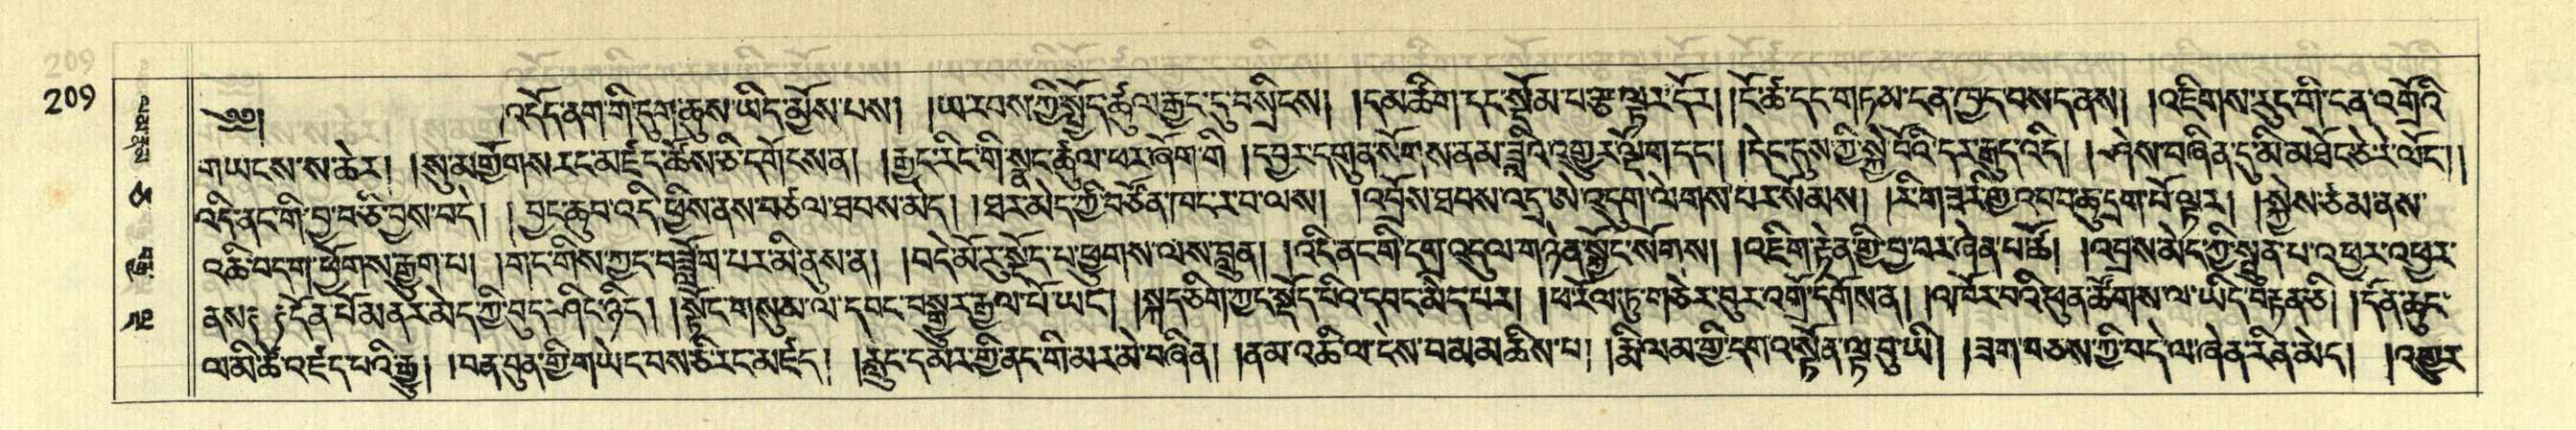༄༅། །འདོད་ནག་གི་དུག་ཆུས་ཡིད་མྱོས་པས། །ཡ་རབས་ཀྱི་སྤྱོད་ཚུལ་རྒྱང་དུ་བསྲིངས། །དམ་ཚིག་དང་སྡོམ་པ་རྩ་ལྟར་དོར། །ངོ་ཚ་དང་གཏམ་ངན་ཁྱད་བསད་ནས། །འཇིགས་རུང་གི་ངན་འགྲོའི་
གཡངས་ས་ཆེར། །སུ་མགྱོགས་རང་མཛད་ཚོས་ཅི་དགོངས་ན། །རྒྱང་རིང་གི་སྣང་ཚུལ་ཕར་ཞོག་གི །དབྱར་དགུན་སོགས་ནམ་ཟླའི་འགྱུར་ལྡོག་དང་། །དེང་དུས་ཀྱི་སྐྱེ་བོའི་དར་རྒུད་འདི། །ཤེས་བཞིན་དུ་མི་མཐོང་ཅེ་རེ་ལོང་། །
འདི་ནང་གི་བྱ་བ་ཅི་བྱས་བདེ། །བྱང་ཆུབ་འདི་ཕྱིས་ནས་བཙལ་ཐབས་མེད། །ཐར་མེད་ཀྱི་བཙོན་ཁང་ར་བ་ལས། །འབྲོས་ཐབས་འདྲ་ཨེ་འདུག་ལེགས་པར་སོམས། །རི་གཟར་གྱི་འབབ་ཆུ་དྲག་པོ་ལྟར། །སྐྱེས་ཙམ་ནས་
འཆི་བདག་ཕྱོགས་རྒྱུག་པ། །གང་གིས་ཀྱང་བཟློག་པར་མི་ནུས་ན། །བདེ་མོ་རུ་སྡོད་པ་ཕྱུགས་ལས་བླུན། །འདི་ནང་གི་དགྲ་འདུལ་གཉེན་སྐྱོང་སོགས། །འཇིག་རྟེན་གྱི་བྱ་བར་ཞེན་པ་ཚོ། །འབྲས་མེད་ཀྱི་སྤུན་པ་འཕྱར་འཕྱར་
ནས༑ ༑དོན་པོ་མནར་མེད་ཀྱི་བུད་ཤིང་ཉིད། །སྟོང་གསུམ་ལ་དབང་བསྒྱུར་རྒྱལ་པོ་ཡང་། །སྐད་ཅིག་ཀྱང་སྡོད་པའི་དབང་མེད་པར། །ཕ་རོལ་ཏུ་གཅེར་བུར་འགྲོ་དགོས་ན། །འཁོར་བའི་ཕུན་ཚོགས་ལ་ཡིད་བརྟན་ཅི། །དོན་ཆུང་
ལ་མི་ཚེ་འཛད་པའི་རྒྱུ། །བན་བུན་གྱི་གཡེང་བས་ཅི་རང་མཛད། །རླུང་དམར་གྱི་ནང་གི་མར་མེ་བཞིན། །ནམ་འཆི་ལ་ངེས་བམ་མཆིས་པ། །རྨི་ལམ་གྱི་དགའ་སྟོན་ལྟ་བུ་ཡི། །ཟག་བཅས་ཀྱི་བདེ་ལ་ཞེན་རིན་མེད། །འགྱུར་